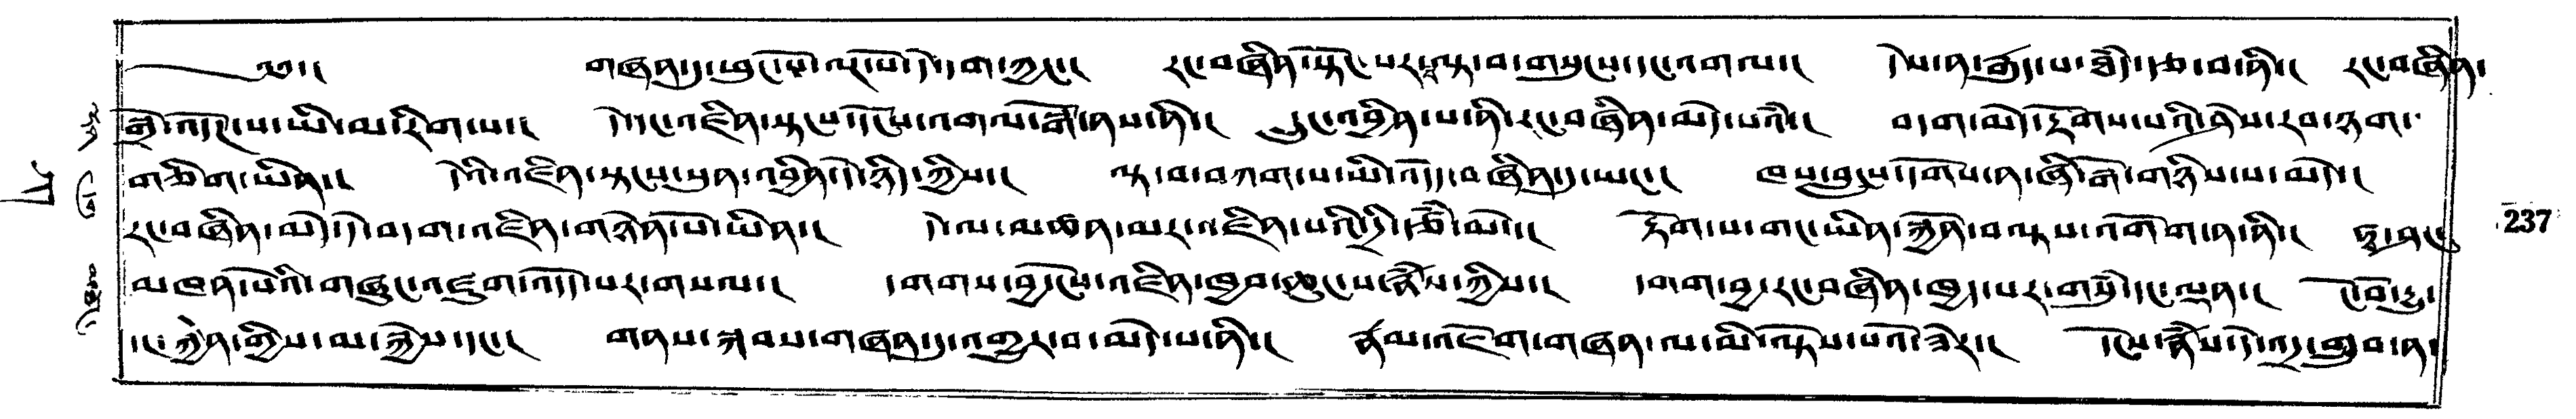གཞན་དུ་ཕུང་པོ་ལྔ་པོ་དེ་དག་ཀྱང་། །རང་བཞིན་སྟོང་པར་བལྟ་བ་གསུངས་དང་འགལ། །དེས་ན་རྒུད་པ་ཐམས་ཅད་རྩ་བ་ནི། །རང་བཞིན་
སྒྲོ་འདོགས་པ་ཡི་མ་རིག་པ། །དེ་དང་འཛིན་སྟངས་དངོས་འགལ་སྒོ་ནས་ནི། །དྲུང་འབྱིན་པ་ནི་རང་བཞིན་མེད་པའམ། །བདག་མཻད་རྟོགས་པའི་ཤེས་རབ་ཉག་
གཅིག་ཡིན། །དེ་ཡི་འཛིན་སྟངས་སུན་འབྱིན་དེ་ཉིད་ཀྱིས། །ལྟ་བ་བཀག་པ་མི་འདོད་བཞིན་དུ་ཡང་།ཁས་བླངས་དགོས་ན་ཞི་སྒོ་གཉིས་པ་མེད། །
རང་བཞིན་མེད་དེ་བདག་འཛིན་གཉེན་པོ་ཡིན། །དེ་ལ་མཚན་མར་འཛིན་པའི་དྲི་ཙམ་མེད། །རྟོག་པ་གང་ཡིན་སྐྱོན་བལྟས་འགོག་ན་ནི། །ཧྭ་ཤང་
མཁན་པོའི་གཞུང་འཛུགས་འདོད་པར་གསལ། །དགག་བྱ་ངོས་འཛིན་ཁྱབ་ཆུང་བ་རྣམས་ཀྱིས། །དགག་བྱ་རང་བཞིན་ཁྱད་པར་གསུམ་དང་ལྡན། །ངོ་བོ་རྒྱུ་
དང་རྐྱེན་གྱིས་མ་སྐྱེས་དང་། །གནས་སྐབས་གཞན་དུ་འགྱུར་བ་མེད་པ་ནི། །རྣམ་འཇོག་གཞན་ལ་མི་ལྟོས་པའོ་ཟེར། །དངོས་རྣམས་དེ་འདྲ་གྲུབ་ན་